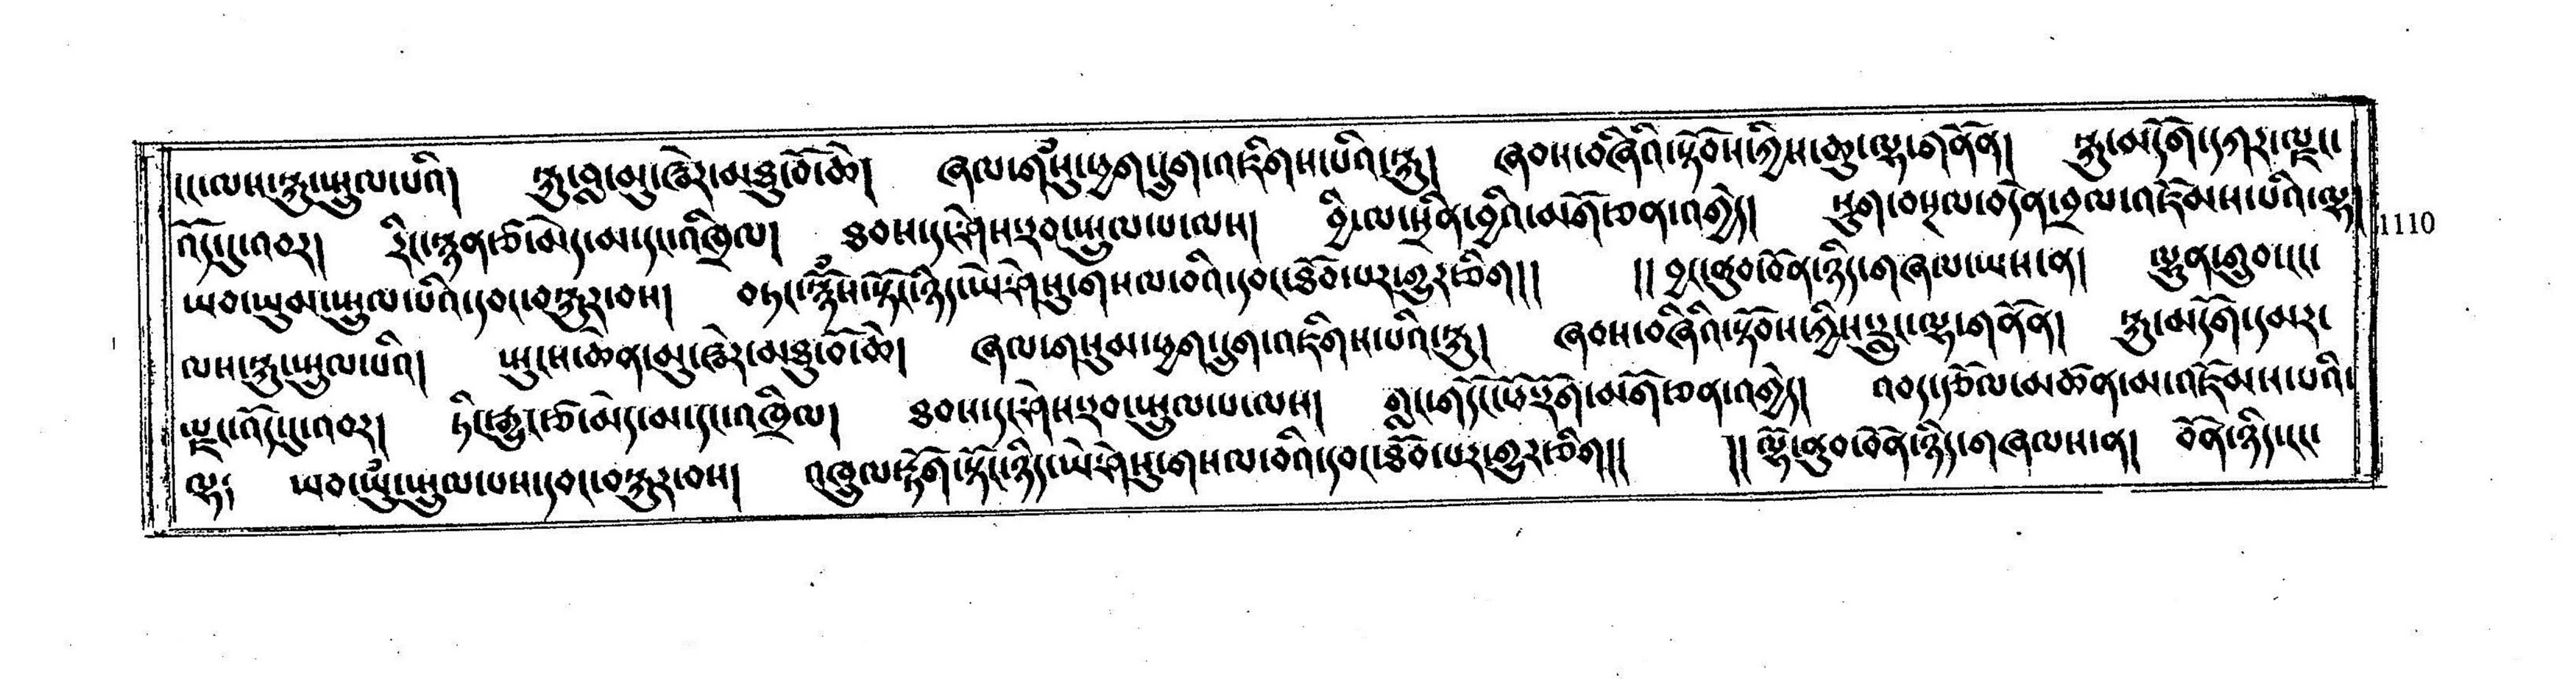ངང་ལས་སྐུ་སྤྲུལ་པའི། སྐུ་བླ་མུ་ཝེར་མཐུ་བོ་ཆེ། ཞལ་གསུམ་ཕྱག་དྲུག་འཇིགས་པའི་སྐུ། ཞབས་བཞིའི་སྟོབས་ཀྱིས་ཆུ་ལྷ་གནོན། སྐུ་མདོག་{1130}དཀར་ལྗང་
འོད་དུ་འབར། རིང་སྙན་ཙ་མེད་མ་དང་འཁྲིལ། ཐབས་དང་ཤེས་རབ་སྤྲུལ་པ་ལས། བྱི་ལ་སྲིན་བྱའི་མགོ་ཅན་འགྱེད། སྡུག་བསྔལ་བདེན་བྲལ་འཇོམས་པའི་ལྷ། 
ཡབ་ཡུམ་སྤྲུལ་པའི་དབང་བསྐུར་བས། བཏང་སྙོམས་སྟོང་ཉིད་ཡེ་ཤེས་སུ་གསལ་བའི་དབང་ཐོབ་པར་གྱུར་ཅིག །།བྱང་ནུབ་བོན་ཉིད་གཞལ་ཡས་ན། ལྷུན་གྲུབ་ངང་
ལས་སྐུ་སྤྲུལ་པའི། སྤུངས་ཆེན་མུ་ཝེར་མཐུ་བོ་ཆེ། ཞལ་གསུམ་ཕྱག་དྲུག་འཇིགས་པའི་སྐུ། ཞབས་བཞིའི་སྟོབས་ཀྱིས་རླུང་ལྷ་གནོན། སྐུ་མདོག་དམར་
ལྗང་འོད་དུ་འབར། ཏིང་རྒྱུང་ཙ་མེད་མ་དང་འཁྲིལ། ཐབས་དང་ཤེས་རབ་སྤྲུལ་པ་ལས། གླང་གདོང་ཕོ་རོག་མགོ་ཅན་འགྱེད། འབད་རྩོལ་མཚན་མ་འཇོམས་པའི་
ལྷ། ཡབ་ཡུམ་སྤྲུལ་པས་དབང་བསྐུར་བས། འཁྲུལ་རྟོག་སྟོང་ཉིད་ཡེ་ཤེས་སུ་གསལ་བའི་དབང་ཐོབ་པར་གྱུར་ཅིག །།ལྷོ་ནུབ་བོན་ཉིད་གཞལ་ཡས་ན། བོན་ཉིད་ངང་